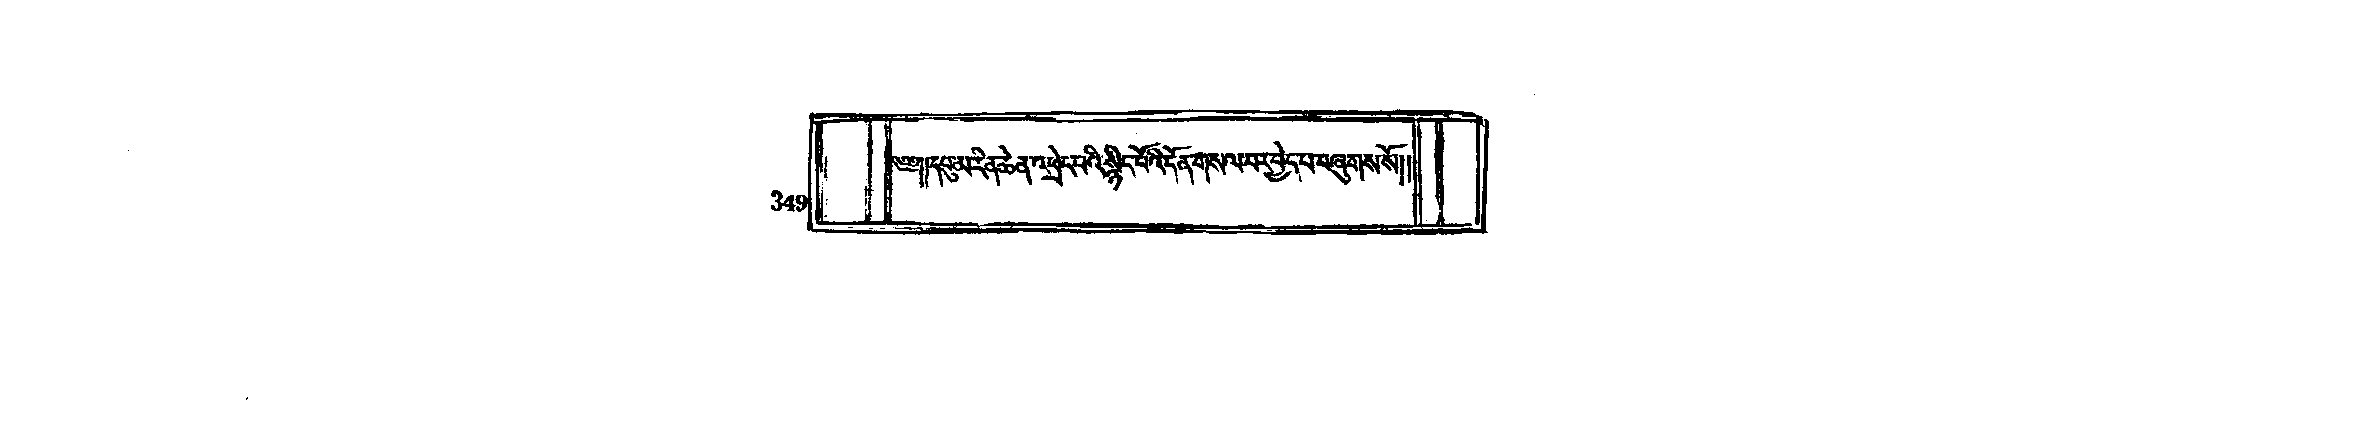༄༅། །དབུ་མ་རིན་ཆེན་འཕྲེང་བའི་སྙིང་པོའི་དོན་གསལ་བར་བྱེད་པ་བཞུགས་སོ། །